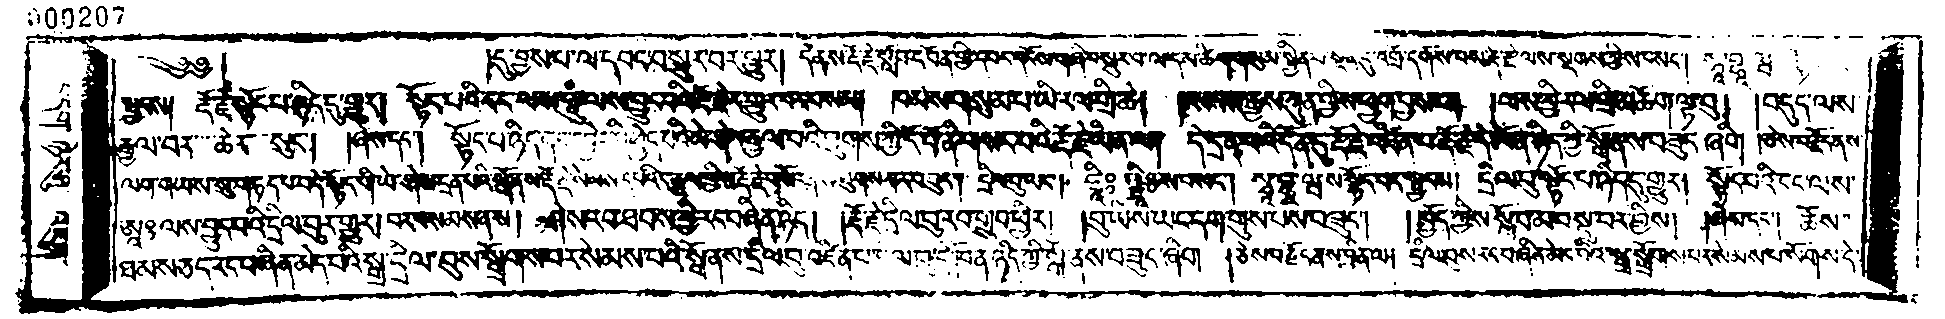༄༅། །དུ་བྱས་པ་ལ་དབང་བསྐུར་བར་གྱུར། དེ་ནས་རྡོ་རྗེ་སློབ་དཔོན་གྱི་དབང་དངོས་གཞི་བསྐུར་བ་ལ་དམ་ཚིག་གསུམ་སྦྱིན་པ་སྔོན་དུ་འགྲོ་དགོས་པས་རྡོ་རྗེ་ལས་སྔགས་ཀྱིས་བསང་།  སྭཱ་བྷཱ་ཝས་སྟོང་པར་
སྤྱངས། རྡོ་རྗེ་སྟོང་པ་ཉིད་དུ་གྱུར། སྟོང་པའི་ངང་ལས་ཧཱུཾ་ལས་བྱུང་བའི་རྡོ་རྗེར་གྱུར་བར་བསམ། ཁམས་གསུམ་པ་ཡི་རལ་གྲི་ཆེ། །སངས་རྒྱས་ཀུན་གྱིས་ཕྱག་བྱས་པ། །ལས་ཀྱི་རལ་གྲི་མཆོག་ལྟ་བུ། །བདུད་ལས་
རྒྱལ་བར་ཆེར་སུང་། །ཞེས་དང་། སྟོང་པ་ཉིད་དང་དབྱེར་མི་ཕྱེད་པའི་ཡེ་ཤེས་རྒྱལ་བའི་ཐུགས་ཀྱི་ངོ་བོ་ནི་གསང་བའི་རྡོ་རྗེ་ཡིན་ལ། དེ་དྲན་པའི་དོན་དུ་རྡོ་རྗེ་འཛིན་པ་རྡོ་རྗེ་དེ་ཁོ་ན་ཉིད་ཀྱི་སྒོ་ནས་བཟུང་ཞིག །ཅེས་བརྗོད་ནས་
ལག་གཡས་སུ་གཏད་པ་བདེ་སྟོང་གི་ཡེ་ཤེས་དྲན་པའི་སྒོ་ནས་རྡོ་རྗེ་སེམས་དཔའི་ང་རྒྱལ་གྱིས་རྡོ་རྗེ་གསོར་ནས་ཐུགས་ཀར་བཟུང་། དྲིལ་བུ་ཡང་། ཧྲཱིཿ ཥྚྲཱིཿ ས་བསང་། སྭཱ་བྷཱ་ཝས་སྟོང་པར་སྦྱངས། དྲིལ་བུ་སྟོང་པ་ཉིད་དུ་གྱུར། སྟོང་པའི་ངང་ལས་
ཨཱཿ ལས་བྱུང་བའི་དྲིལ་བུར་གྱུར། བར་བསམས་ནས། ཤེས་རབ་ཐབས་ཀྱི་རང་བཞིན་ཉིད། །རྡོ་རྗེ་དྲིལ་བུ་རབ་གྲུབ་ཕྱིར། །བུ་ཡིས་ཡང་དག་གུས་པས་བཟུང་། །ཁྱོད་ཀྱིས་སློབ་མ་བསྡུ་བར་གྱིས། །ཞེས་དང་། ཆོས་
ཐམས་ཅད་རང་བཞིན་མེད་པའི་སྒྲ་དྲིལ་བུས་སྒྲོགས་པར་སེམས་པའི་སྒོ་ནས་དྲིལ་བུ་འཛིན་པ་དྲིལ་བུ་དེ་ཁོ་ན་ཉིད་ཀྱི་སྒོ་ནས་བཟུང་ཞིག །ཅེས་བརྗོད་ནས་བྱིན་ལ། དྲིལ་བུས་རང་བཞིན་མེད་པའི་སྒྲ་སྒྲོགས་པར་སེམས་པ་སོགས་དེ་